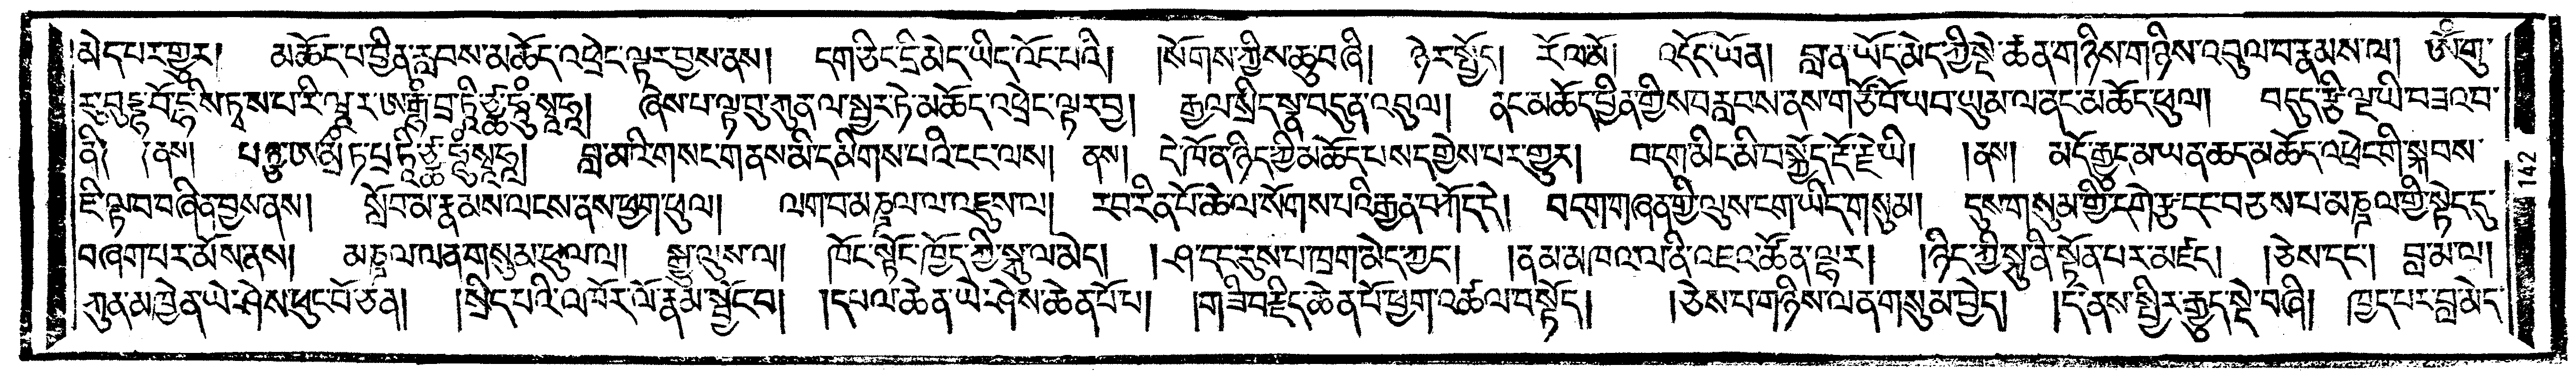མེད་པར་གྱུར། མཆོད་པ་བྱིན་རླབས་མཆོད་འཕྲེང་ལྟར་བྱས་ནས། དག་ཅིང་དྲི་མེད་ཡིད་འོང་པའི། །སོགས་ཀྱིས་ཆུ་བཞི། ཉེར་སྤྱོད། རོལ་མོ། འདོད་ཡོན། བླ་ན་ཡོད་མེད་ཀྱི་སྡེ་ཚན་གཉིས་གཉིས་འབུལ་བ་རྣམས་ལ། ཨོཾ་གུ་
རུ་བུདྡྷ་བོ་དྷི་སཏྭ་ས་པ་རི་ཝཱར་ཨརྒྷཾ་པྲ་ཏཱིཙྪ་ཧཱུཾ་སྭཱཧཱ། ཞེས་པ་ལྟ་བུ་ཀུན་ལ་སྦྱར་ཏེ་མཆོད་འཕྲེང་ལྟར་བྱ། རྒྱལ་སྲིད་སྣ་བདུན་འབུལ། ནང་མཆོད་བྱིན་གྱིས་བརླབས་ནས་གཙོ་བོ་ཡབ་ཡུམ་ལ་ནང་མཆོད་ཕུལ། བདུད་རྩི་ལྔ་ཡི་བཟའ་བ་
ནི༑ ༑ནས། པཉྩ་ཨ་མྲྀ་ཏ་པྲཏཱིཙྪ་ཧཱུཾ་སྭཱཧཱ། བླ་མའི་གསང་གནས་མི་དམིགས་པའི་ངང་ལས། ནས། དེ་ཁོ་ན་ཉིད་ཀྱི་མཆོད་པས་དགྱེས་པར་གྱུར། བདག་མིང་མི་བསྐྱོད་རྡོ་རྗེ་ཡི། །ནས། མདོ་རྒྱུད་མ་ཡན་ཆད་མཆོད་འཕྲེང་གི་སྐབས་
ཇི་ལྟ་བ་བཞིན་བྱས་ནས། སློབ་མ་རྣམས་ལངས་ནས་ཕྱག་ཕུལ། ལག་པ་མཎྜལ་ལ་འཇུས་ལ། རབ་རིན་པོ་ཆེ་ལ་སོགས་པའི་རྒྱན་བཀོད་དེ། བདག་གཞན་གྱི་ལུས་ངག་ཡིད་གསུམ། དུས་གསུམ་གྱི་དགེ་རྩ་དང་བཅས་པ་མཎྜལ་གྱི་སྟེང་དུ་
བཞག་པར་མོས་ནས། མཎྜལ་ལན་གསུམ་ཕུལ་ལ། སྒྱུ་ལུས་ལ། ཁོང་སྟོང་ཁྱོད་ཀྱི་སྐུ་ལ་མེད། །ཤ་དང་རུས་པ་ཁྲག་མེད་ཀྱང་། །ནམ་མཁའ་ལ་ནི་འཇའ་ཚོན་ལྷར། །ཉིད་ཀྱི་སྐུ་ནི་སྟོན་པར་མཛད། །ཅེས་དང་། བླ་མ་ལ།
ཀུན་མཁྱེན་ཡེ་ཤེས་ཕུང་པོ་ཅན། །སྲིད་པའི་འཁོར་ལོ་རྣམ་སྦྱོང་བ། །དཔལ་ཆེན་ཡེ་ཤེས་ཆེན་པོ་པ། །གཟི་བརྗིད་ཆེན་པོ་ཕྱག་འཚལ་བསྟོད། །ཅེས་པ་གཉིས་ལན་གསུམ་བྱེད། །དེ་ནས་སྤྱིར་རྒྱུད་སྡེ་བཞི། ཁྱད་པར་བླ་མེད་